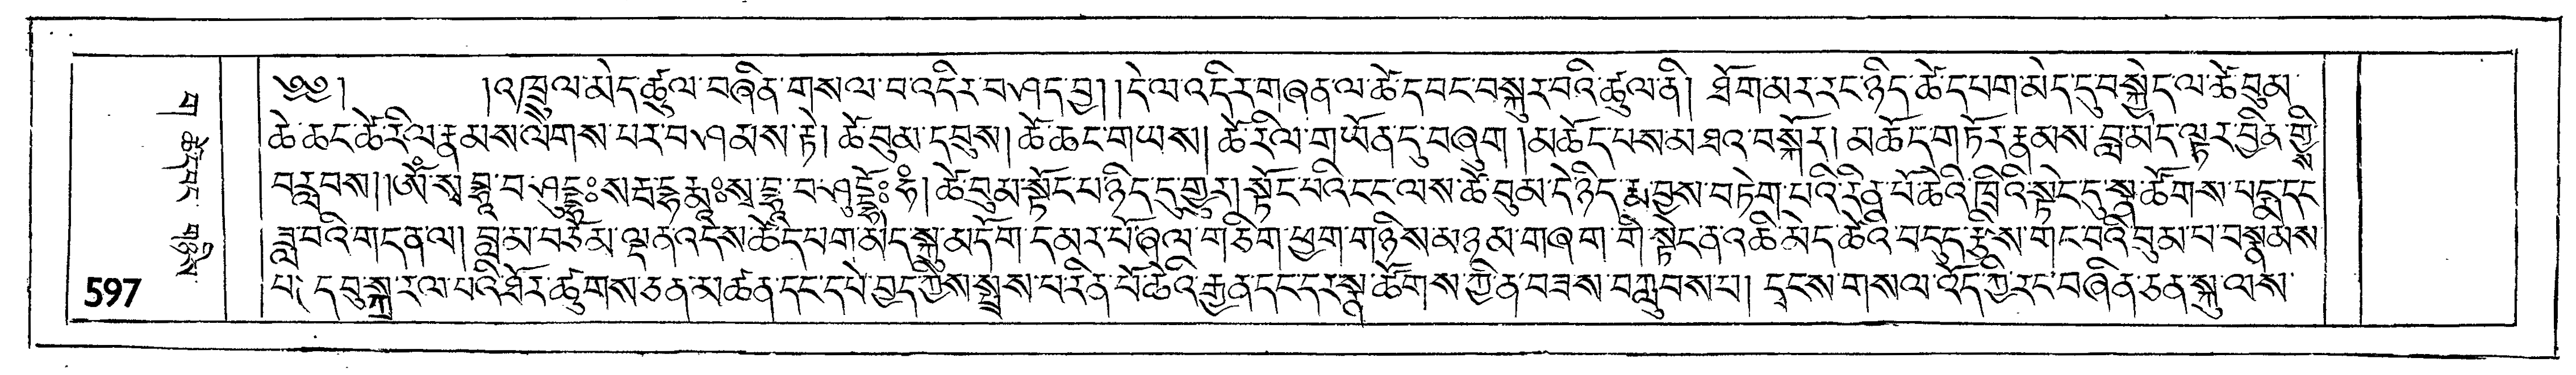༄༅། །འཁྲུལ་མེད་ཚུལ་བཞིན་གསལ་བ་འདིར་བཤད་བྱ། །དེ་ལ་འདིར་གཞན་ལ་ཚེ་དབང་བསྐུར་བའི་ཚུལ་ནི། ཐོག་མར་རང་ཉིད་ཚེ་དཔག་མེད་དུ་བསྐྱེད་ལ་ཚེ་བུམ་
ཆེ་ཆང་ཚེ་རིལ་རྣམས་ལེགས་པར་བཤམས་རྟེ། ཚེ་བུམ་དབུས། ཚེ་ཆང་གཡས། ཚེ་རིལ་གཡོན་དུ་བཞུག །མཆོད་པས་མཐའ་བསྐོར། མཆོད་གཏོར་རྣམས་བླ་མེད་ལྟར་བྱིན་གྱིས་
བརླབས། །ཨོཾ་སྭ་བྷཱ་བ་ཤུདྡྷཿ སརྦ་དྷརྨཱཿ སྭ་བྷཱ་བ་ཤུདྡྷོཿ ཧཾ། ཚེ་བུམ་སྟོང་པ་ཉིད་དུ་གྱུར། སྟོང་པའི་ངང་ལས་ཚེ་བུམ་དེ་ཉིད་རྨ་བྱས་བཏེག་པའི་རིན་པོ་ཆེའི་ཁྲིའི་སྟེང་དུ་སྣ་ཚོགས་པདམ་དང་
ཟླ་བའི་གདན་ལ། བླ་མ་བཅོམ་ལྡན་འདས་ཚེ་དཔག་མེད་སྐུ་མདོག་དམར་པོ་ཞལ་གཅིག་ཕྱག་གཉིས་མཉམ་གཞག་གི་སྟེང་ན་འཆི་མེད་ཚེའི་བདུད་རྩིས་གང་བའི་བུམ་པ་བསྣམས་
པ༑ དབུ་སྐྲ་རལ་པའི་ཐོར་ཚུགས་ཅན་མཚན་དང་དཔེ་བྱད་ཀྱིས་སྤྲས་པ་རིན་པོ་ཆེའི་རྒྱན་དང་དར་སྣ་ཚོགས་ཀྱི་ན་བཟས་བཀླུབས་པ། དྭངས་གསལ་འོད་ཀྱི་རང་བཞིན་ཅན་སྐུ་ལས་